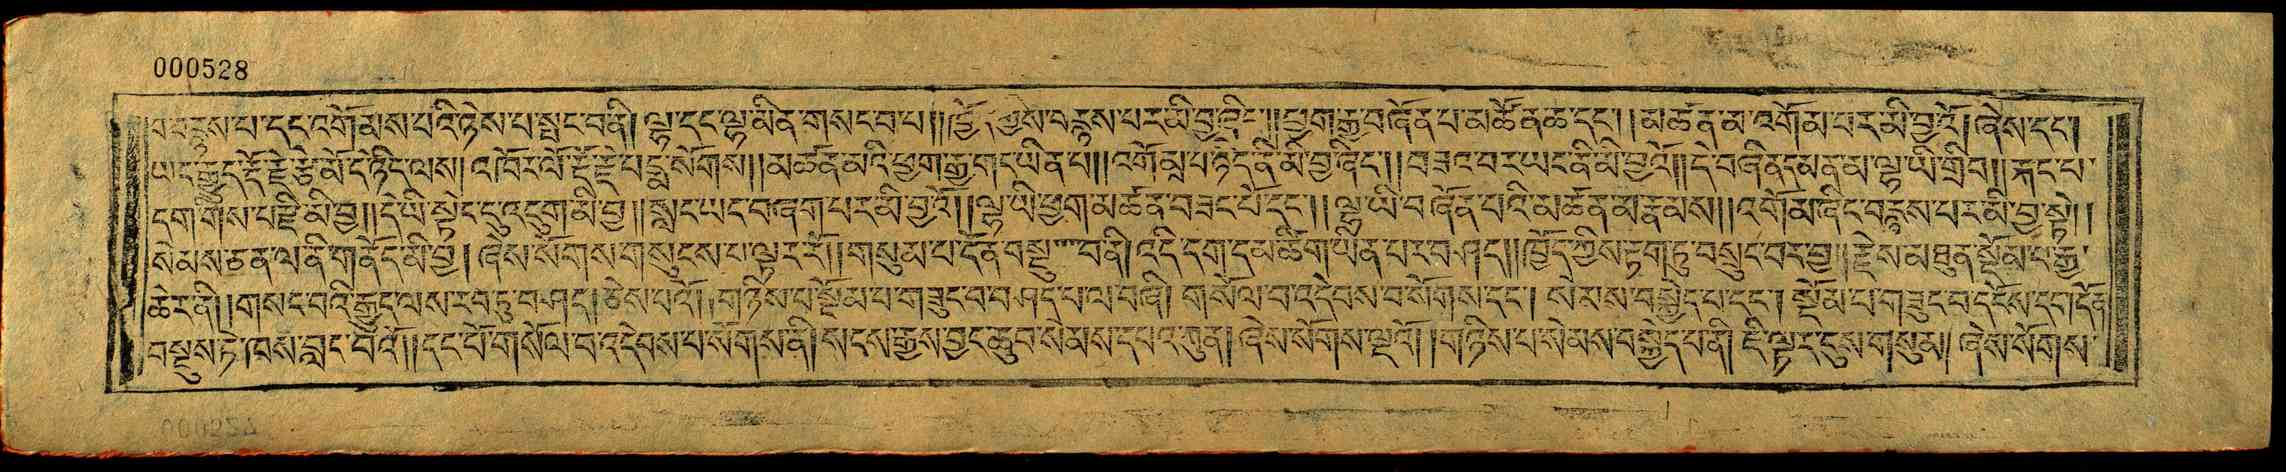བརྙས་པ་དང་འགོམས་པའི་ཉེས་པ་སྤང་པ་ནི། ལྷ་དང་ལྷ་མིན་གསང་བ་པ། །ཁྱད་ཀྱིས་བརྙས་པར་མི་བྱ་ཞིང་། །ཕྱག་རྒྱ་བཞོན་པ་མཚོན་ཆ་དང་། །མཚན་མ་འགོམ་པར་མི་བྱའོ། ཞེས་དང་།
བརྒྱུད་རྡོ་རྗེ་རྩེ་མོ་དེ་ཉིད་ལས། འཁོར་ལོ་རྡོ་རྗེ་པདམ་སོགས། །མཚན་མའི་ཕྱག་རྒྱ་གང་ཡིན་པ། །འགོམས་པ་ཉིད་ནི་མི་བྱ་ཞིང་། །བཟའ་བར་ཡང་ནི་མི་བྱའོ། །དེ་བཞིན་དམན་མ་ལྷ་ཡི་གྲིབ། །རྐང་པ་
འགྲིས་པ་རྫི་མི་བྱ། །དེ་ཡི་སྟེང་དུ་འདུག་མི་བྱ། །སླར་ཡང་བཞག་པར་མི་བྱའོ། །ལྷ་ཡི་ཕྱག་མཚན་བཟང་པོ་དང་། །ལྷ་ཡི་བཞོན་པའི་མཚན་མ་རྣམས། །འགོམ་ཞིང་བརྙས་པར་མི་བྱ་སྟེ། །
སོ་ཅན་ལ་ནི་གནོད་མི་བྱ། ཞེས་སོགས་གསུངས་པ་ལྟར་རོ། །གསུམ་པ་དོན་བསྡུ་བ་ནི། འདི་དག་དམ་ཚིག་ཡིན་པར་བཤད། །ཁྱོད་ཀྱིས་རྟག་ཏུ་བསྲུང་བར་བྱ། །རྗེས་མཐུན་སྡོམ་པ་རྒྱ་
ནི། །གསང་བའི་རྒྱུད་ལས་རབ་ཏུ་བཤད། ཅེས་པའོ། །གཉིས་པ་སྡོམ་པ་གཟུང་བ་བཤད་པ་ལ་བཞི། གསོལ་བ་འདེབས་པ་སོགས་དང་། སེམས་བསྐྱེད་པ་དང་། སྡོམ་པ་གཟུང་བ་དངོས་དང་། དོན་
སྡུས་ཏེ་ཁས་བླང་བའོ། །དང་པོ་གསོལ་བ་འདེབས་པ་སོགས་ནི། སངས་རྒྱས་བྱང་ཆུབ་སེམས་དཔའ་ཀུན། ཞེས་སོགས་ལྔའོ། །གཉིས་པ་སེམས་བསྐྱེད་པ་ནི། ཇི་ལྟར་དུས་གསུམ། ཞེས་སོགས་